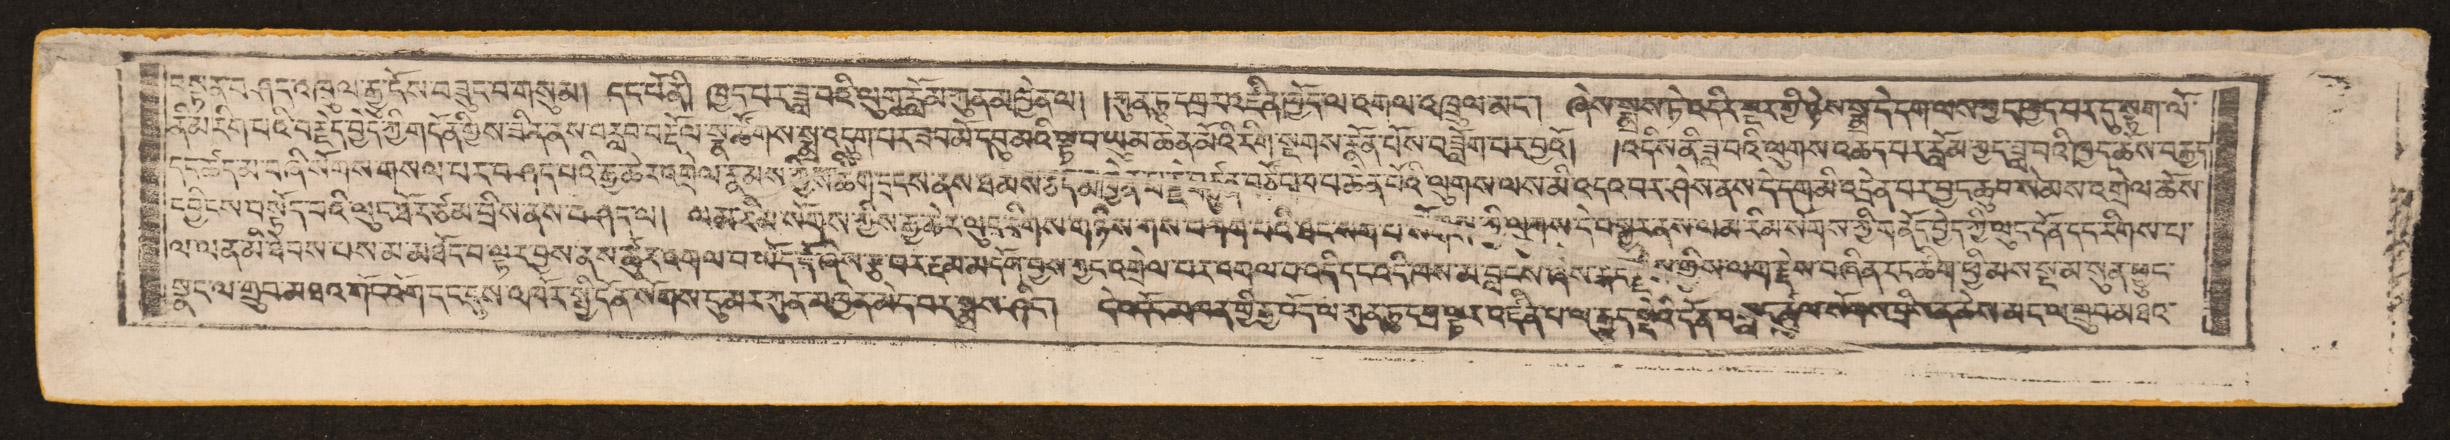བསྟེར་བཤད་འཁྲུལ་རྒྱུ་ངོས་བཟུང་བ་གསུམ། དང་པོ་ནི། ཁྱད་པར་ཟླ་བའི་ལུགས་རློམ་ཀུན་མཁྱེན་ལ། །ཀུན་ཏུ་དགྲར་འཛིན་ཁྱོད་ལ་འགལ་འཁྲུལ་མང་། ཞེས་སྨྲས་ཏེ་འདིར་སྔར་གྱི་ཉེས་སྨྲ་དེ་དག་ལས་ཀྱང་ཁྱད་པར་དུ་སྟག་ལོ་
ནི་མ་རིག་པའི་བརྗེད་བྱེད་ཀྱི་གདོན་གྱིས་ཟིན་ནས་བརླབ་བརྡོལ་སྣ་ཚོགས་སྨྲ་འདུག་པར་ཟབ་མོ་དབུ་མའི་ལྟ་བ་ཡུམ་ཆེན་མོའི་རིག་སྔགས་རྣོན་བོས་བཟློག་པར་བྱའོ། །འདིས་ནི་ཟླ་བའི་ལུགས་འཆད་པར་རློམ་ཀྱང་ཟླ་བའི་ཁྱད་ཆོས་བརྒྱད་
དང་ཚད་མ་བཞི་སོགས་གསལ་པར་བཤད་པའི་རྒྱ་ཆེར་འགྲེལ་རྣམས་ཀྱིས་ཚིག་དྲངས་ནས་ཐམས་ཅད་མཁྱེན་པ་རྗེ་བཙུན་བཙོང་ཁ་པ་ཆེན་པོའི་ལུགས་ལས་མི་འདའ་བར་ཤེས་ནས་དེ་དག་མི་འདྲེན་པར་བྱང་ཆུབ་སེམས་འགྲེལ་ཆོས་
དབྱིངས་བསྟོད་པའི་ལུང་ཐོར་ཙམ་བྲིས་ནས་བཤད་ལ། ལམ་རིམ་སོགས་ཀྱིས་རྒྱ་ཆེར་ལུང་རིགས་གཉིས་ཀས་བཀག་པའི་ཐང་སག་པ་སོགས་ཀྱི་ལུགས་དེ་བསྐྱར་ནས་ལམ་རིམ་སོགས་ཀྱི་གནོད་བྱེད་ཀྱི་ལུང་དོན་དང་རིགས་པ་
ལ་ལན་མི་ཐེབས་པས་མ་མཐོང་བ་ལྟར་བྱས་ནས་ཚུར་འགལ་བ་ཡོད་དོ་ཞེས་རྩ་བར་རྔམ་མདོག་བྱས་ཀྱང་འགྲེལ་པར་འགལ་བ་འདི་དང་འདི་ཁས་མ་བླངས་ཞེས་རྐང་རྗེས་གྱིས་ལག་རྗེས་བཞིན་རང་ཚིག་ཕྱི་མས་སྔ་མ་སུན་ཕྱུང་
སྣང་ལ་གྲུབ་མཐའ་གོང་འོག་དང་དུས་འཁོར་སྤྱི་དོན་སོགས་དུ་མར་ཀུན་མཁྱེན་མེད་པར་སྨྲས་ཤིང་། དེ་འདོད་མཁན་གྱི་རྒྱ་བོད་ལ་ཀུན་ཏུ་དགྲ་ལྟར་འཛིན་པ་ལ་རྒྱུད་སྡེའི་དོན་བསླད་ཚུལ་སོགས་བྲིས་ན་ཆེས་མང་ལ་གྲུབ་མཐའ་